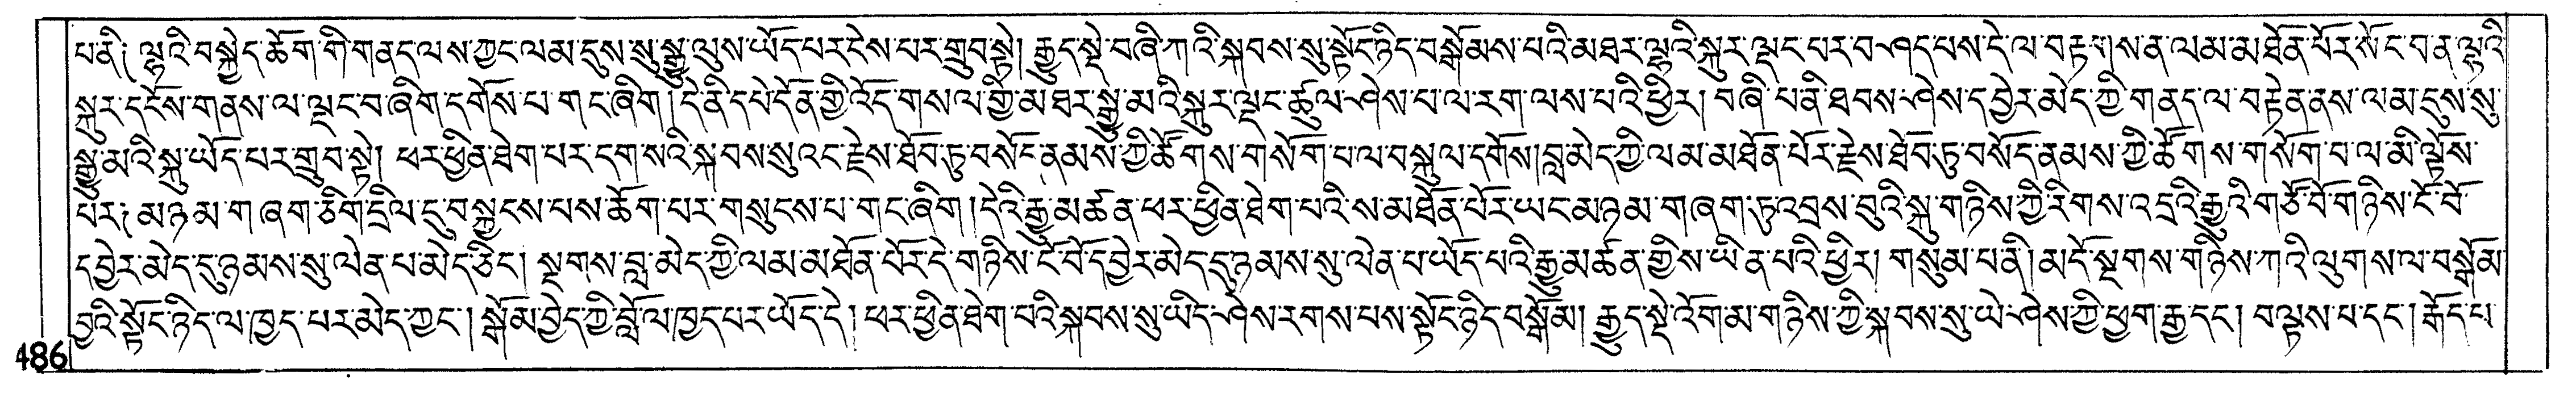པ་ནི༑ ལྷའི་བསྐྱེད་ཆོག་གི་གནད་ལས་ཀྱང་ལམ་དུས་སུ་སྒྱུ་ལུས་ཡོད་པར་ངེས་པར་གྲུབ་སྟེ། རྒྱུད་སྡེ་བཞི་ཀའི་སྐབས་སུ་སྟོང་ཉིད་བསྒོམས་པའི་མཐར་ལྷའི་སྐུར་ལྡང་པར་བཤད་པས་དེ་ལ་བརྟགས་ན་ལམ་མཐོན་པོར་སོང་བ་ན་ལྷའི་
སྐུར་དངོས་གནས་ལ་ལྡང་བ་ཞིག་དགོས་པ་གང་ཞིག །དེ་ནི་དཔེ་དོན་གྱི་འོད་གསལ་གྱི་མཐར་སྒྱུ་མའི་སྐུར་ལྡང་ཚུལ་ཤེས་པ་ལ་རག་ལས་པའི་ཕྱིར། བཞི་པ་ནི་ཐབས་ཤེས་དབྱེར་མེད་ཀྱི་གནད་ལ་བརྟེན་ནས་ལམ་དུས་སུ་
སྒྱུ་མའི་སྐུ་ཡོད་པར་གྲུབ་སྟེ། ཕར་ཕྱིན་ཐེག་པར་དག་སའི་སྐབས་སུའང་རྗེས་ཐོབ་ཏུ་བསོད་ནམས་ཀྱི་ཚོགས་གསོག་པ་ལ་བསྐུལ་དགོས། བླ་མེད་ཀྱི་ལམ་མཐོན་པོར་རྗེས་ཐོབ་ཏུ་བསོད་ནམས་ཀྱི་ཚོགས་གསོག་པ་ལ་མི་ལྟོས་
པར༑ མཉམ་གཞག་ཅིག་དྲིལ་དུ་བསྐྱངས་པས་ཆོག་པར་གསུངས་པ་གང་ཞིག །དེའི་རྒྱུ་མཚན་ཕར་ཕྱིན་ཐེག་པའི་ས་མཐོན་པོར་ཡང་མཉམ་གཞག་ཏུ་འབྲས་བུའི་སྐུ་གཉིས་ཀྱི་རིགས་འདྲའི་རྒྱུའི་གཙོ་བོ་གཉིས་ངོ་བོ་
དབྱེར་མེད་དུ་ཉམས་སུ་ལེན་པ་མེད་ཅིང་། སྔགས་བླ་མེད་ཀྱི་ལམ་མཐོན་པོར་དེ་གཉིས་ངོ་བོ་དབྱེར་མེད་དུ་ཉམས་སུ་ལེན་པ་ཡོད་པའི་རྒྱུ་མཚན་གྱིས་ཡིན་པའི་ཕྱིར། གསུམ་པ་ནི། མདོ་སྔགས་གཉིས་ཀའི་ལུགས་ལ་བསྒོམ་
བྱའི་སྟོང་ཉིད་ལ་ཁྱད་པར་མེད་ཀྱང་། སྒོམ་བྱེད་ཀྱི་བློ་ལ་ཁྱད་པར་ཡོད་དེ། ཕར་ཕྱིན་ཐེག་པའི་སྐབས་སུ་ཡིད་ཤེས་རགས་པས་སྟོང་ཉིད་བསྒོམ། རྒྱུད་སྡེ་འོག་མ་གཉིས་ཀྱི་སྐབས་སུ་ཡེ་ཤེས་ཀྱི་ཕྱག་རྒྱ་དང་། བལྟས་པ་དང་། རྒོད་པ་